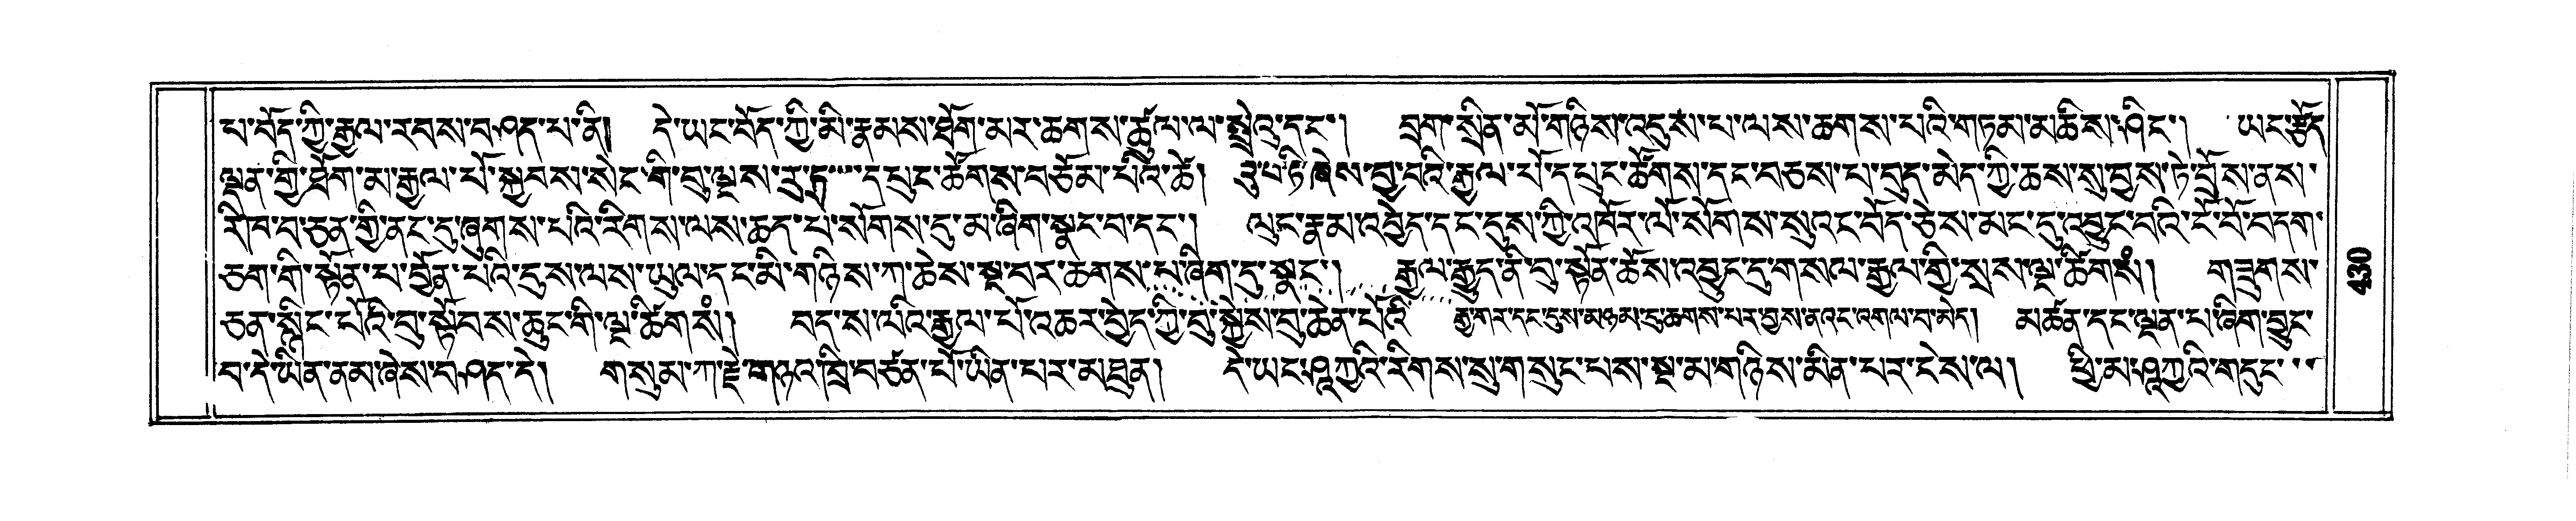པ་བོད་ཀྱི་རྒྱལ་རབས་བཤད་པ་ནི། དེ་ཡང་བོད་ཀྱི་མི་རྣམས་ཐོག་མར་ཆགས་ཚུལ་ལ་སྤྲེའུ་དང་། བྲག་སྲིན་མོ་གཉིས་འདུས་པ་ལས་ཆགས་པའི་གཏམ་མཆིས་ཤིང་། ཡང་རྩོད་
ལྡན་གྱི་ཐོག་མ་རྒྱལ་པོ་སྐྱབས་སེང་གི་བུ་ལྔས་རུ་ཏྲ་དཔུང་ཚོགས་བཅོམ་པའི་ཚེ། འུ་པ་ཏི་ཞེས་བྱ་བའི་རྒྱལ་པོ་དཔུང་ཚོགས་དང་བཅས་པ་བུད་མེད་ཀྱི་ཆས་སུ་བྱས་ཏེ་བྲོས་ནས་
རི་ཁ་བ་ཅན་གྱི་ནང་དུ་ཞུགས་པའི་རིགས་ལས་ཆད་པ་སོགས་དུ་མ་ཞིག་སྣང་བ་དང་། ལུང་རྣམ་འབྱེད་དང་དུས་ཀྱི་འཁོར་ལོ་སོགས་སུའང་བོད་ཅེས་མང་དུ་འབྱུང་བའི་ངོ་བོ་བདག་
ཅག་གི་སྟོན་པ་བྱོན་པའི་དུས་ལས་ཡུལ་དང་མི་གཉིས་ཀ་ཆེས་སྔ་བར་ཆགས་པ་ཞིག་དུ་སྣང་། རྒྱལ་རྒྱུད་ནི་བུ་སྟོན་ཆོས་འབྱུང་དུ་གསལ་རྒྱལ་གྱི་སྲས་ལྔ་ཚིག་སཾ། གཟུགས་
ཅན་སྙིང་པོའི་བུ་སྟོབས་ཆུང་གི་ལྔ་ཚིགསཾ། བད་ས་ལའི་རྒྱལ་པོ་འཆར་བྱེད་ཀྱི་བུ་སྐྱེས་བུ་ཆེན་པོའི་མཚན་དང་ལྡན་པ་ཞིག་བྱུང་
བ་དེ་ཡིན་ནམ་ཞེས་བཤད་དེ། གསུམ་ཀ་རྗེ་གཉའ་ཁྲི་བཙན་པོ་ཡིན་པར་མཐུན། དེ་ཡང་ཤཱཀྱའི་རིགས་སུ་གསུང་པས་སྔ་མ་གཉིས་མིན་པར་ངེས་ལ། ཕྱི་མ་ཤཱཀྱའི་གདུན་